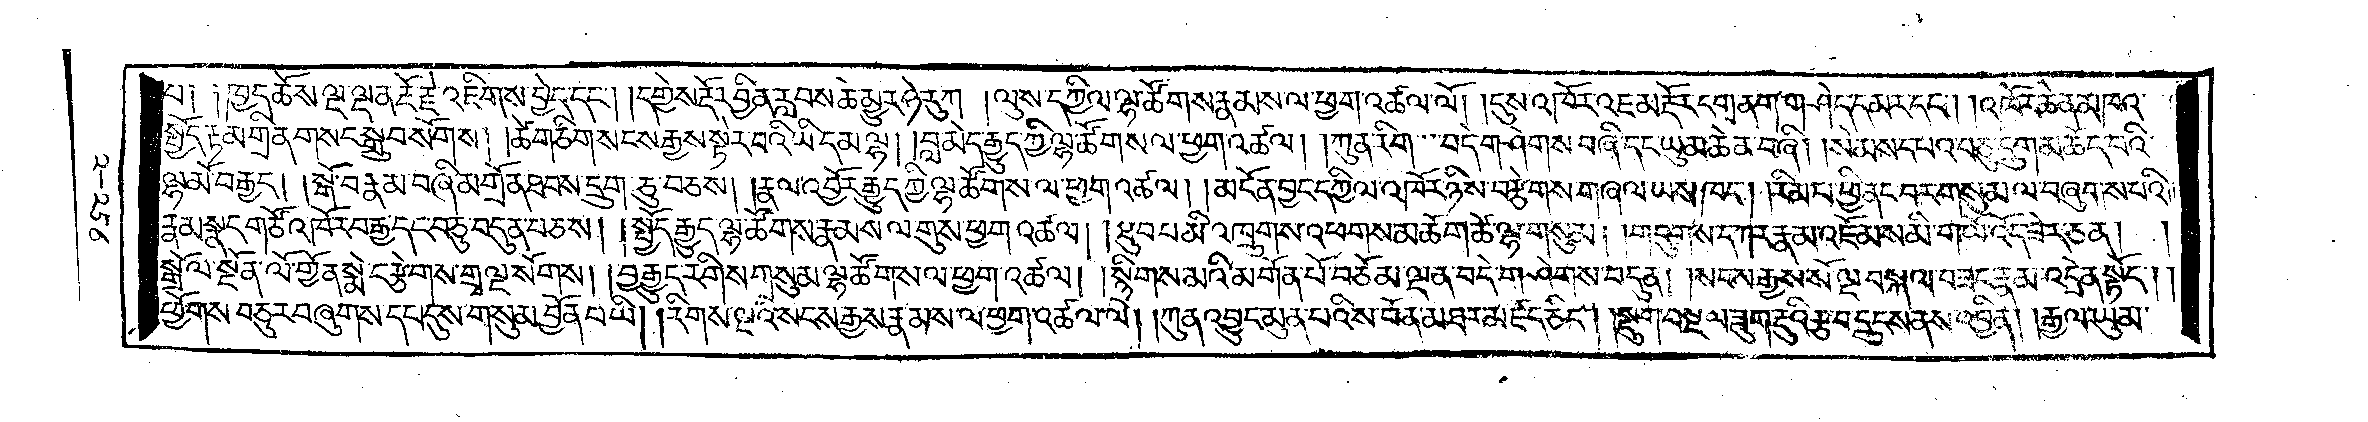པ༑ ༑ཁྱད་ཆོས་ལྔ་ལྡན་རྡོ་རྗེ་འཇིགས་བྱེད་དང་། །དགྱེས་རྡོར་བྱིན་རླབས་ཆེ་མྱུར་ཉེ་རུ་ཀ། །ལུས་དཀྱིལ་ལྷ་ཚོགས་རྣམས་ལ་ཕྱག་འཚལ་ལོ། །དུས་འཁོར་འཇམ་རྡོར་དགྲ་ནག་གཤེད་དམར་དང་། །འཁོར་ཆེན་མཁའ་
སྤྱོད་རྟ་མགྲིན་གསང་སྒྲུབ་སོགས། །ཚེ་གཅིག་སངས་རྒྱས་སྟེར་བའི་ཡི་དམ་ལྷ། །བླ་མེད་རྒྱུད་ཀྱི་ལྷ་ཚོགས་ལ་ཕྱག་འཚལ། །ཀུན་རིག་བདེ་གཤེགས་བཞི་དང་ཡུམ་ཆེན་བཞི། །སེམས་དཔའ་བཅུ་དྲུག་མཆོད་བའི་
ལྷ་མོ་བརྒྱད། །སྒོ་བ་རྣམ་བཞི་མགྲོན་ཐབས་དྲུག་ཅུ་བཅས། །རྣལ་འབྱོར་རྒྱུད་ཀྱི་ལྷ་ཚོགས་ལ་ཕྱག་འཚལ། །མངོན་བྱང་དཀྱིལ་འཁོར་ཉིས་བརྩེགས་གཞལ་ཡས་ཁང་། །རིམ་པ་ཕྱི་ནང་བར་གསུམ་ལ་བཞུགས་པའི།
རྣམ་སྣང་གཙོ་འཁོར་བརྒྱ་དང་བཅུ་བདུན་བཅས། །སྤྱོད་རྒྱུད་ལྷ་ཚོགས་རྣམས་ལ་གུས་ཕྱག་འཚལ། །ཐུབ་པ་མི་འཁྲུགས་འཕགས་མཆོག་ཚེ་ལྷ་གསུམ། །གདུགས་དཀར་རྣམ་འཇོམས་མི་ག་ལོ་འོད་ཟེར་ཅན། །
སྒྲོལ་སྔོན་ལོ་གྱོན་སྨེང་རྩེགས་གྲྭ་ལྔ་སོགས། །བྱ་རྒྱུད་རིགས་གསུམ་ལྷ་ཚོགས་ལ་ཕྱག་འཚལ། །སྙིགས་མའི་མགོན་པོ་བཅོམ་ལྡན་བདེ་གཤེགས་བདུན། །སངས་རྒྱས་སོ་ལྔ་བསྐལ་བཟང་རྣམ་འདྲེན་སྟོང་། །
ཕྱོགས་བཅུར་བཞུགས་དཔེ་དུས་གསུམ་བྱོན་བ་ཡི། །རིགས་ལྔའི་སངས་རྒྱས་རྣམས་ལ་ཕྱག་འཚལ་ལོ། །ཀུན་འབྱུང་མུན་བའི་ས་བོན་མཐར་མཛད་ཅིང་། །སྡུག་བསྔལ་ཟུག་རྡུའི་རྩ་བ་དྲུངས་ནས་འབྱིན། །རྒྱལ་ཡུམ་